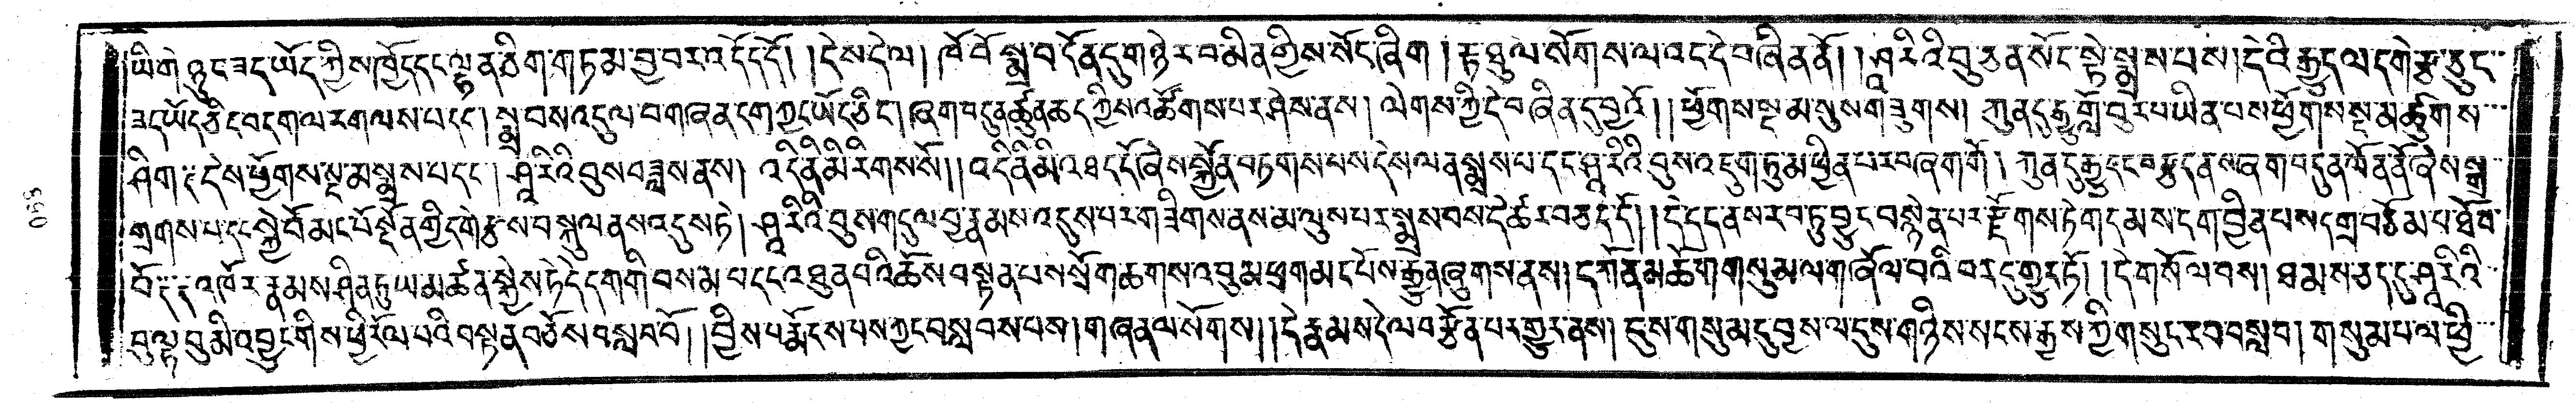ཡི་གེ་ཉུང་ཟད་ཡོད་ཀྱིས་ཁྱོད་དང་ལྷན་ཅིག་གཏམ་བྱ་བར་འདོད་དོ། །དེས་དེ་ལ། ཁོ་བོ་སྨྲ་བ་དོན་དུ་གཉེར་བ་མིན་གྱིས་སོང་ཞིག །རྟ་ཐུལ་སོགས་ལ་འང་དེ་བཞིན་ནོ། །ཤཱ་རིའི་བུ་ཅན་སོང་སྟེ་སྨྲས་པས། དེའི་རྒྱུད་ལ་དགེ་རྩ་ཅུང་
ཟད་ཡོད་ཅིང་བདག་ལ་རག་ལས་པ་དང་། སྨྲ་བས་འདུལ་བ་གཞན་དག་ཀྱང་ཡོད་ཅིང་། ཞག་བདུན་ཚུན་ཆད་ཀྱིས་འཚོགས་པར་ཤེས་ནས། ལེགས་ཀྱི་དེ་བཞིན་དུ་བྱའོ། །ཕྱོགས་སྔ་མ་སུས་གཟུགས། ཀུན་དུ་རྒྱུ་གློ་བུར་པ་ཡིན་པས་ཕྱོགས་སྔ་མ་ཚུགས་
ཤིག༑ དེས་ཕྱོགས་སྔ་མ་སྨྲས་པ་དང་། ཤཱ་རིའི་བུས་བཟླས་ནས། འདི་ནི་མི་རིགས་སོ།། འདི་ནི་མི་འཐད་དོ་ཞེས་སྐྱོན་བཏགས་པས་དེས་ལན་སྨྲས་པ་དང་ཤཱ་རིའི་བུས་འཇུག་ཏུ་མ་ཕྱིན་པར་བཞག་གོ། ཀུན་དུ་རྒྱུ་དང་བརྩད་ནས་ཞག་བདུན་ལོན་ནོ་ཞེས་སྒྲ་
གྲགས་པ་དང་སྐྱེ་བོ་མང་པོ་སྔོན་གྱི་དགེ་རྩས་བསྐུལ་ནས་འདུས་ཏེ། ཤཱ་རིའི་བུས་གདུལ་བྱ་རྣམས་འདུས་པར་གཟིགས་ནས་མ་ལུས་པར་སྨྲ་བས་ཚར་བཅད་དོ། །དེ་དང་ནས་རབ་ཏུ་བྱུང་བསྙེན་པར་རྫོགས་ཏེ་གདམས་དག་བྱིན་པས་གྲ་བཅོམ་པ་ཐོབ་
བོ༑ ༑འཁོར་རྣམས་ཤིན་ཏུ་ཡ་མཚན་སྐྱེས་ཏེ་དེ་དག་གི་བསམ་བ་དང་འཐུན་པའི་ཆོས་བསྟན་པས་སྲོག་ཆགས་འབུམ་ཕྲག་མང་པོས་རྒྱུན་ཞུགས་ནས། དཀོན་མཆོག་གསུམ་ལ་གཞོལ་བའི་བར་དུ་གྱུར་ཏོ། །དེ་གསོལ་བས། ཐམས་ཅད་དུ་ཤཱ་རིའི་
བུ་ལྟ་བུ་མི་འབྱུང་གིས་ཕྱི་རོལ་པའི་བསྟན་བཅོས་བསླབ་བོ། །བྱིས་པ་རྨོངས་པས་ཀྱང་བསླབས་པས། གཞན་ལ་སོགས། །དེ་རྣམས་དེ་ལ་བརྩོན་པར་གྱུར་ནས། དུས་གསུམ་དུ་བྱས་ལ་དུས་གཉིས་སངས་རྒྱས་ཀྱི་གསུང་རབ་བསླབ། གསུམ་པ་ལ་ཕྱི་